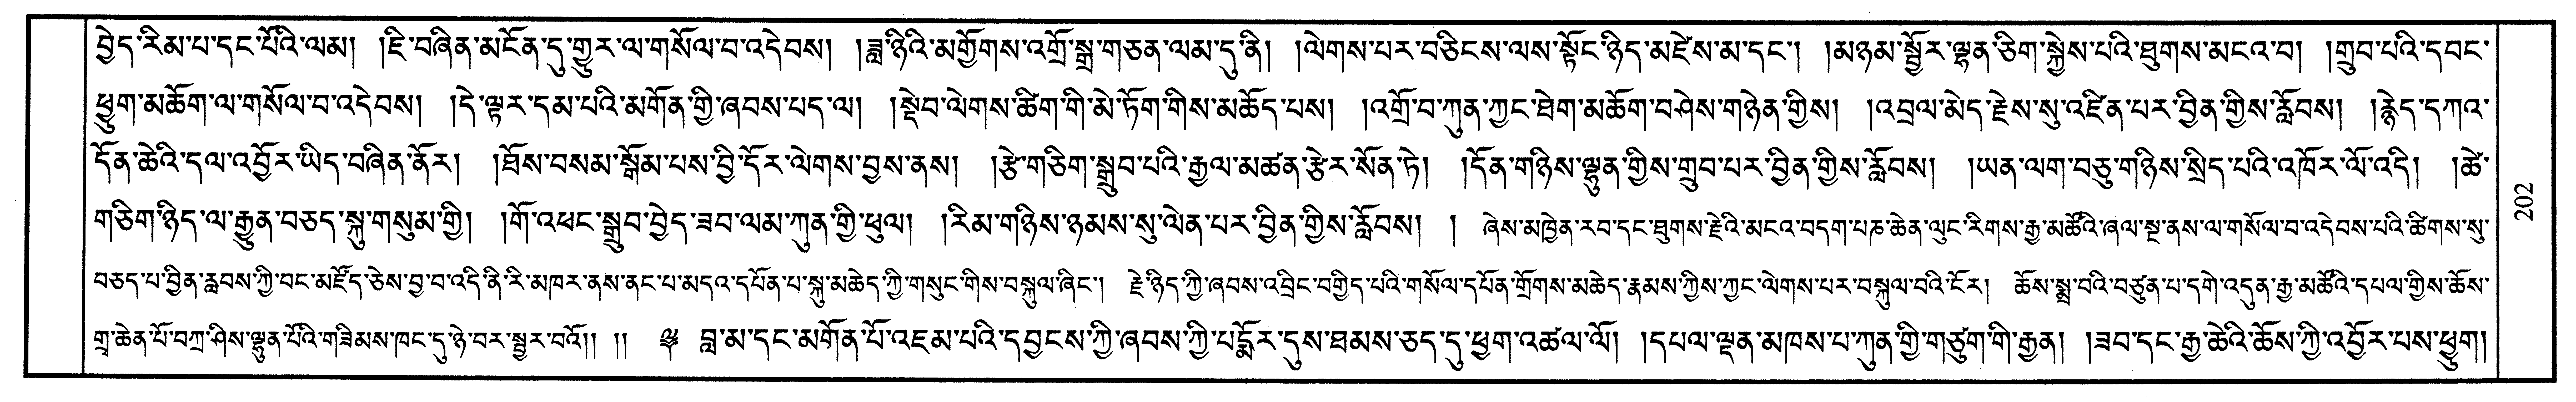བྱེད་རིམ་པ་དང་པོའི་ལམ། །ཇི་བཞིན་མངོན་དུ་གྱུར་ལ་གསོལ་བ་འདེབས། །ཟླ་ཉིའི་མགྱོགས་འགྲོ་སྒྲ་གཅན་ལམ་དུ་ནི། །ལེགས་པར་བཅིངས་ལས་སྟོང་ཉིད་མཛེས་མ་དང་། །མཉམ་སྦྱོར་ལྷན་ཅིག་སྐྱེས་པའི་ཐུགས་མངའ་བ། །གྲུབ་པའི་དབང་
ཕྱུག་མཆོག་ལ་གསོལ་བ་འདེབས། །དེ་ལྟར་དམ་པའི་མགོན་གྱི་ཞབས་པད་ལ། །སྡེབ་ལེགས་ཚིག་གི་མེ་ཏོག་གིས་མཆོད་པས། །འགྲོ་བ་ཀུན་ཀྱང་ཐེག་མཆོག་བཤེས་གཉེན་གྱིས། །འབྲལ་མེད་རྗེས་སུ་འཛིན་པར་བྱིན་གྱིས་རློབས། །རྙེད་དཀའ་
དོན་ཆེའི་དལ་འབྱོར་ཡིད་བཞིན་ནོར། །ཐོས་བསམ་སྒོམ་པས་བྱི་དོར་ལེགས་བྱས་ནས། །རྩེ་གཅིག་སྒྲུབ་པའི་རྒྱལ་མཚན་རྩེར་སོན་ཏེ། །དོན་གཉིས་ལྷུན་གྱིས་གྲུབ་པར་བྱིན་གྱིས་རློབས། །ཡན་ལག་བཅུ་གཉིས་སྲིད་པའི་འཁོར་ལོ་འདི། །ཚེ་
གཅིག་ཉིད་ལ་རྒྱུན་བཅད་སྐུ་གསུམ་གྱི། །གོ་འཕང་སྒྲུབ་བྱེད་ཟབ་ལམ་ཀུན་གྱི་ཕུལ། །རིམ་གཉིས་ཉམས་སུ་ལེན་པར་བྱིན་གྱིས་རློབས། །ཞེས་མཁྱེན་རབ་དང་ཐུགས་རྗེའི་མངའ་བདག་པཎ་ཆེན་ལུང་རིགས་རྒྱ་མཚོའི་ཞལ་སྔ་ནས་ལ་གསོལ་བ་འདེབས་པའི་ཚིགས་སུ་
བཅད་པ་བྱིན་རླབས་ཀྱི་བང་མཛོད་ཅེས་བྱ་བ་འདི་ནི་རི་མཁར་ནས་ནང་པ་མདའ་དཔོན་པ་སྐུ་མཆེད་ཀྱི་གསུང་གིས་བསྐུལ་ཞིང་། །རྗེ་ཉིད་ཀྱི་ཞབས་འབྲིང་བགྱིད་པའི་གསོལ་དཔོན་གྲོགས་མཆེད་རྣམས་ཀྱིས་ཀྱང་ལེགས་པར་བསྐུལ་བའི་ངོར། །ཆོས་སྨྲ་བའི་བཙུན་པ་དགེ་འདུན་རྒྱ་མཚོའི་དཔལ་གྱིས་ཆོས་
གྲྭ་ཆེན་པོ་བཀྲ་ཤིས་ལྷུན་པོའི་གཟིམས་ཁང་དུ་ཉེ་བར་སྦྱར་བའོ།། །། ༈ བླ་མ་དང་མགོན་པོ་འཇམ་པའི་དབྱངས་ཀྱི་ཞབས་ཀྱི་པདམོར་དུས་ཐམས་ཅད་དུ་ཕྱག་འཚལ་ལོ། །དཔལ་ལྡན་མཁས་པ་ཀུན་གྱི་གཙུག་གི་རྒྱན། །ཟབ་དང་རྒྱ་ཆེའི་ཆོས་ཀྱི་འབྱོར་པས་ཕྱུག །